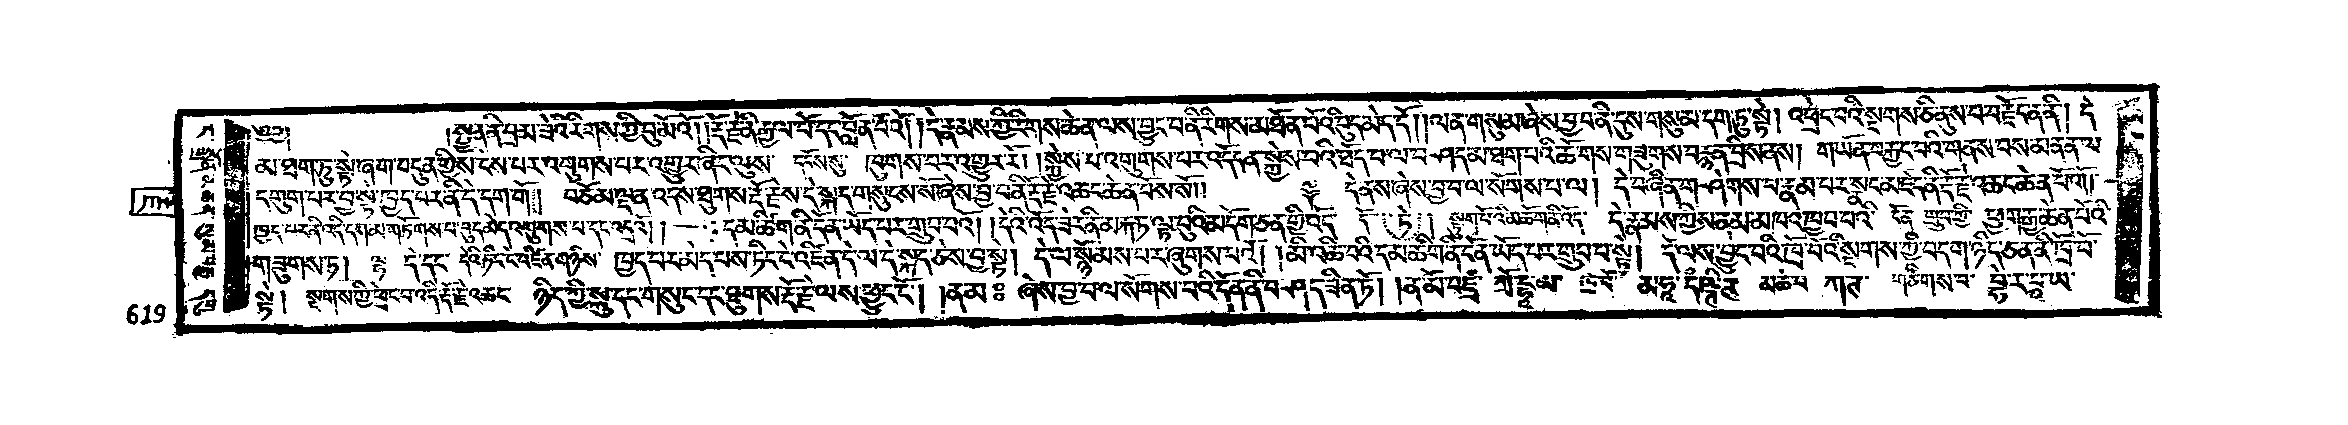༄༅། །སྤྱན་ནི་བྲམ་ཟེའི་རིགས་ཀྱི་བུ་མོའོ། །རྡོ་རྗེ་ནི་རྒྱལ་པོ་དང་བློན་པོའོ། །དེ་རྣམས་ཀྱི་རིགས་ཆེན་ལས་བྱུང་བ་ནི་རིགས་མཐོན་པོའི་བུད་མེད་དོ། །ལན་གསུམ་ཞེས་བྱ་བ་ནི་དུས་གསུམ་དག་ཏུ་སྟེ། འཕྲེང་བའི་སྔགས་ཅི་ནུས་པ་བརྗོད་ན་ནི། དེ་
མ་ཐག་ཏུ་སྟེ་ཞག་བདུན་གྱིས་ངེས་པར་འགུགས་པར་འགྱུར་ཞིང་ལུས་དངོས་སུ་ཁུགས་པར་འགྱུར་རོ། །སྐྱེས་པ་འགུགས་པར་འདོད་ན་སྐྱེས་པའི་ཐོད་པ་ལ་བཤད་མ་ཐག་པའི་ཆོ་གས་གཟུགས་བརྙན་བྲིས་ནས། གཡོན་བརྐྱང་བའི་གནས་བས་མནན་ལ་
དགུག་པར་བྱ་སྟེ་ཁྱད་པར་ནི་དེ་དག་གོ །བཅོམ་ལྡན་འདས་ཐུགས་རྡོ་རྗེས་དེ་སྐད་གསུངས་སོ་ཞེས་བྱ་བ་ནི་རྡོ་རྗེ་འཆང་ཆེན་པོས་སོ།། ༈ དེ་ནས་ཞེས་བྱ་བ་ལ་སོགས་པ་ལ། དེ་བཞིན་གཤེགས་པ་རྣམ་པར་སྣང་མཛད་ནི་རྡོ་རྗེ་འཆང་ཆེན་པོའོ།།H.
ཁྱད་པར་ནི་འདི་དག་མ་གཏོགས་པ་བུད་མེད་འགུགས་པ་དང་འདྲའོ།།  .Hདམ་ཚིག་ནི་དོན་ཡོད་པར་གྲུབ་པའོ། །དེའི་འོད་ཟེར་ནི་མརྐ་ཏ་ལྟ་བུའི་མདོག་ཅན་གྱི་འོད་དོ་ཏེ། སྟུག་པོའི་མཆོག་ནི་འོད་དེ་རྣམས་ཀྱིས་ནམ་མཁའ་ཁྱབ་པའི་དོན་གྲུབ་ཀྱི་ཕྱག་རྒྱ་ཆེན་པོའི་
གཟུགས་ཏེ། ལྷ་དེ་དང་དེའི་ཏིང་ངེ་འཛིན་གཉིས་ཁྱད་པར་མེད་པས་ཏིང་ངེ་འཛིན་དེ་ལ་དེ་སྐད་ཅེས་བྱ་སྟེ། དེ་ལ་སྙོམས་པར་ཞུགས་པའོ། །མི་འཆི་བའི་དམ་ཚིག་ནི་དོན་ཡོད་པར་གྲུབ་པ་སྟེ། དེ་ལས་བྱུང་བའི་ཁྲོ་པོའི་སྔགས་ཀྱི་བདག་ཉིད་ཅན་ནི་ཁྲོ་བོ་
སྟེ། སྔགས་ཀྱི་ཕྲེང་བ་འདི་རྡོ་རྗེ་འཆང་ཉིད་ཀྱི་སྐུ་དང་གསུང་དང་ཐུགས་རྡོ་རྗེ་ལས་ཕྱུང་ངོ། །ན་མཿ ཞེས་བྱ་བ་ལ་སོགས་པའི་དོན་ནི་བཤད་ཟིན་ཏོ། །ན་མོ་བཛྲ་ཀྲོ་དྷཱ་ཡ་ཁྲོ་བོ་མཧཱ་དཾ་ཥྚི་ཊ་མཆེ་པ་ཀ་ཊ་གཙིགས་པ་བྷེ་ར་པཱ་ཡ་